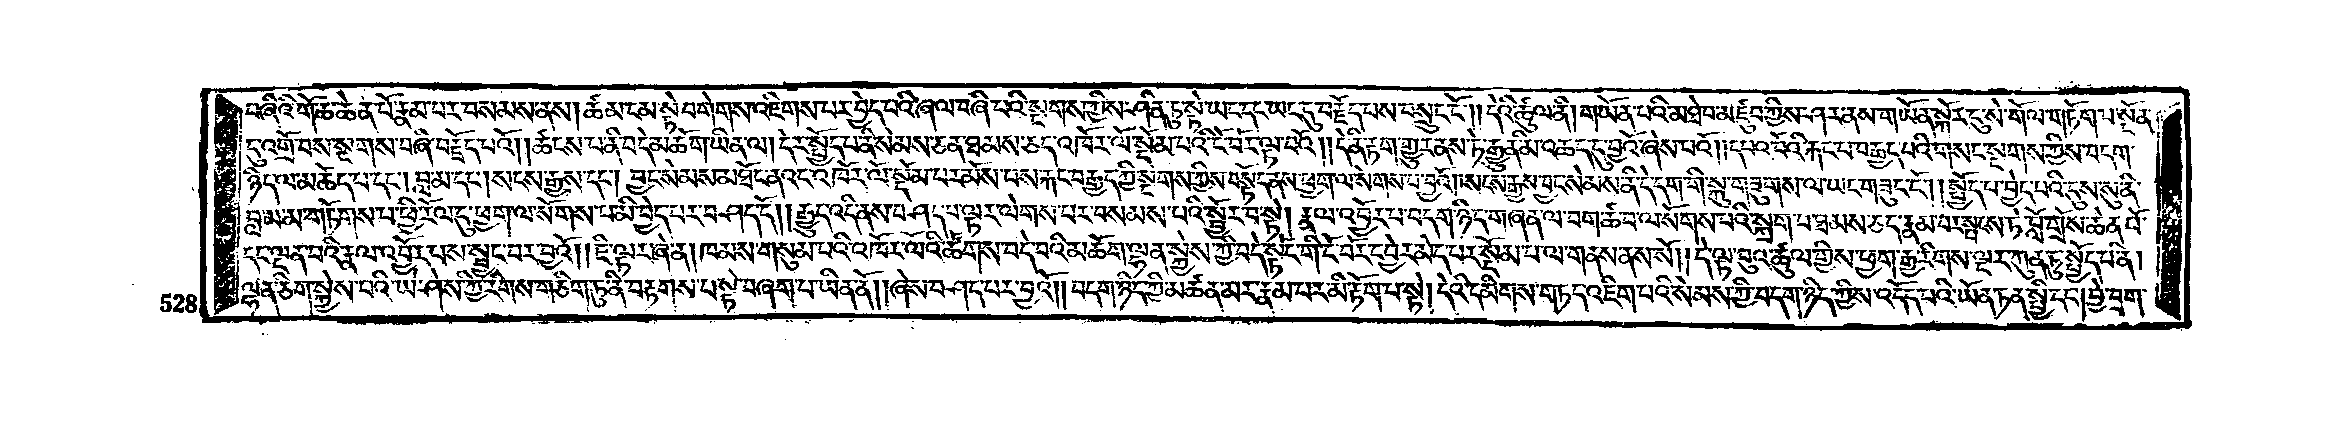བཞིའི་གོ་ཆ་ཆེན་པོ་རྣམ་པར་བསམས་ནས། ཚམ་ངམ་སྟེ་བགེགས་འཇིགས་པར་བྱེད་པའི་ཞལ་བཞི་པའི་སྔགས་ཀྱིས་ཤིན་ཏུ་སྟེ་ཡང་དང་ཡང་དུ་བརྗོད་པས་བསྲུང་ངོ། །དེའི་ཚུལ་ནི། གཡོན་པའི་མཐེབ་མཛུབ་ཀྱིས་ཤར་ནས་གཡོན་སྐོར་དུ་སེ་གོལ་གཏོག་པ་སྔོན་
དུ་འགྲོ་བས་སྔགས་བཞི་བརྗོད་པའོ། །ཚངས་པ་ནི་བདེ་མཆོག་ཡིན་ལ། དེར་སྤྱོད་པ་ནི་སེམས་ཅན་ཐམས་ཅད་འཁོར་ལོ་སྡོམ་པའི་ངོ་བོར་ལྟ་བའོ། །དེ་ནི་རྟག་གྱུར་ནས་ཏེ་རྒྱུན་མི་འཆད་དུ་བྱའོ་ཞེས་པའོ། །དཔའ་བོའི་རྐང་པ་བརྒྱད་པའི་གསང་སྔགས་ཀྱིས་བདག་
ཉིད་ལ་མཆོད་པ་དང་། བླ་མ་དང་། སངས་རྒྱས་དང་། བྱང་སེམས་མཐོང་ནའང་འཁོར་ལོ་སྡོམ་པར་མོས་པས་རྐང་བརྒྱད་ཀྱི་སྔགས་ཀྱིས་བསྟོད་ནས་ཕྱག་ལ་སོགས་པ་བྱའོ། །སངས་རྒྱས་བྱང་སེམས་ནི་དེ་དག་གི་སྐུ་གཟུགས་ལ་ཡང་གཟུང་ངོ། །སྤྱོད་པ་བྱེད་པའི་དུས་སུ་ནི་
བླ་མ་མ་གཏོགས་པ་ཕྱི་རོལ་དུ་ཕྱག་ལ་སོགས་པ་མི་བྱེད་པར་བཤད་དོ། །རྒྱུད་འདི་ནས་བཤད་པ་ལྟར་ལེགས་པར་བསམས་པའི་སྦྱོར་བ་སྟེ། རྣལ་འབྱོར་བ་བདག་ཉིད་གཞན་ལ་བག་ཚ་བ་ལ་སོགས་པའི་སྐྲག་པ་ཐམས་ཅད་རྣམ་པར་སྤངས་ཏེ་བློ་གྲོས་ཆེན་པོ་
དང་ལྡན་པའི་རྣལ་འབྱོར་པས་སྦྱང་བར་བྱའོ། །ཇི་ལྟར་ཞེ་ན། ཁམས་གསུམ་པའི་འཁོར་ལོའི་ཚོགས་བདེ་བའི་མཆོག་ལྷན་སྐྱེས་ཀྱི་བདེ་སྟེང་གི་ངོ་བོར་དབྱེར་མེད་པར་སྡོམ་པ་ལ་གནས་ནས་སོ། །དེ་ལྟ་བུའི་ཚུལ་གྱིས་ཕྱག་རྒྱ་རིགས་ལྔར་ཀུན་ཏུ་སྤྱོད་པ་ནི།
ལྷན་ཅིག་སྐྱེས་པའི་ཡེ་ཤེས་ཀྱི་རིགས་གཅིག་ཏུ་ནི་བརྟགས་པ་སྟེ་བཞག་པ་ཡིན་ནོ། །ཞེས་བཤད་པར་བྱའོ། །བདག་ཉིད་ཀྱི་མཚན་མར་རྣམ་པར་མི་རྟོག་པ་སྟེ། དེའི་དམིགས་གཏད་འཇིག་པའི་སེམས་ཀྱི་བདག་ཉིད་ཀྱིས་འདོད་པའི་ཡོན་ཏན་སྤྱི་དང་། བྱེ་བྲག་